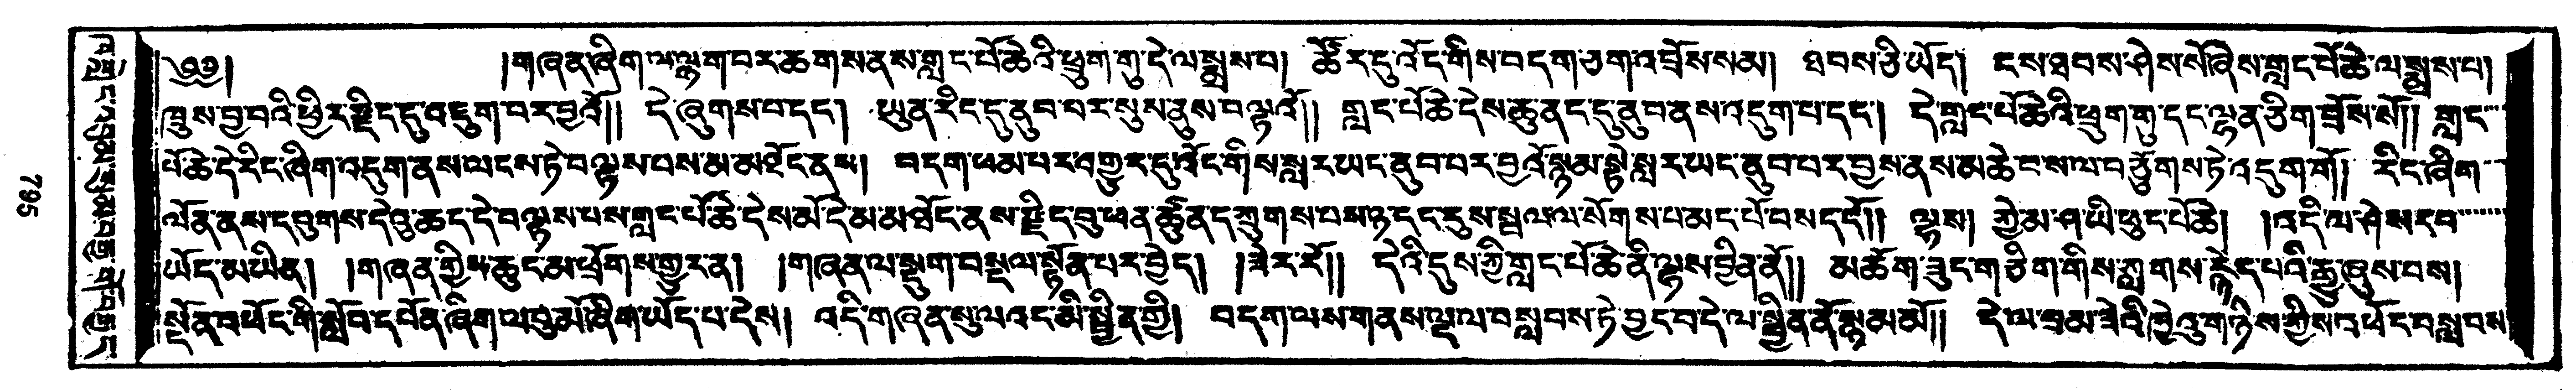༄༅། །གཞན་ཞིག་ལ་ལྷག་བར་ཆགས་ནས་གླང་པོ་ཆེའི་ཕྲུག་གུ་དེ་ལ་སྨྲས་པ། ཚོར་དུ་འོང་གིས་བདག་ཅག་འབྲོས་སམ། ཐབས་ཅི་ཡོད། ངས་ཐབས་ཤེས་སོ་ཞེས་གླང་པོ་ཆེ་ལ་སྨྲས་པ།
ཁྲུས་བྱ་བའི་ཕྱིར་རྫིང་དུ་འཇུག་པར་བྱའོ།། དེ་ཞུགས་པ་དང་། ཡུན་རིང་དུ་ནུབ་པར་སུས་ནུས་བལྟའོ།། གླང་པོ་ཆེ་དེས་ཆུ་ནང་དུ་ནུབ་ནས་འདུག་པ་དང་། དེ་གླང་པོ་ཆེའི་ཕྲུག་གུ་དང་ལྷན་ཅིག་བྲོས་སོ།། གླང་
པོ་ཆེ་དེ་རིང་ཞིག་འདུག་ནས་ལངས་ཏེ་བལྟས་པས་མ་མཐོང་ནས། བདག་ཕམ་པར་འགྱུར་དུ་འོང་གིས་སླར་ཡང་ནུབ་པར་བྱའོ་སྙམ་སྟེ་སླར་ཡང་ནུབ་པར་བྱས་ནས་མཆེ་བ་ས་ལ་བཙུགས་ཏེ་འདུག་གོ། རིང་ཞིག་
ལོན་ནས་དབུགས་དེའུ་ཆད་དེ་བལྟས་པས་གླང་པོ་ཆེ་དེས་མོ་དེ་མ་མཐོང་ནས་རྫིང་བུ་ཕན་ཚུན་དཀྲུགས་པས་ཉ་དང་རུས་སྦལ་ལ་སོགས་པ་མང་པོ་བསད་དོ།། ལྷས། ཀྱེ་མ་ཤ་ཡི་ཕུང་པོ་ཆེ། །འདི་ལ་ཤེས་རབ་
ཡོད་མ་ཡིན། །གཞན་གྱིས་ཆུང་མ་ཕྲོགས་གྱུར་ན། །གཞན་ལ་སྡུག་བསྔལ་སྟོན་པར་བྱེད། །ཟེར་རོ།། དེའི་དུས་ཀྱི་གླང་པོ་ཆེ་ནི་ལྷས་བྱིན་ནོ།། མཆོག་ཟུང་གཅིག་གིས་ཀླགས་རྙེད་པའི་རྒྱུ་ཞུས་པས།
སྔོན་འཕོང་གི་སློབ་དཔོན་ཞིག་ལ་བུ་མོ་ཞིག་ཡོད་པ་དེས། འདི་གཞན་སུ་ལའང་མི་སྦྱིན་གྱི། བདག་ལས་གནས་ལྔ་ལ་བསླབས་ཏེ་བྱང་བ་དེ་ལ་སྦྱིན་ནོ་སྙམ་མོ།། དེ་ལ་བྲམ་ཟེའི་ཁྱེའུ་གཉིས་ཀྱིས་འཕོང་བསླབས་